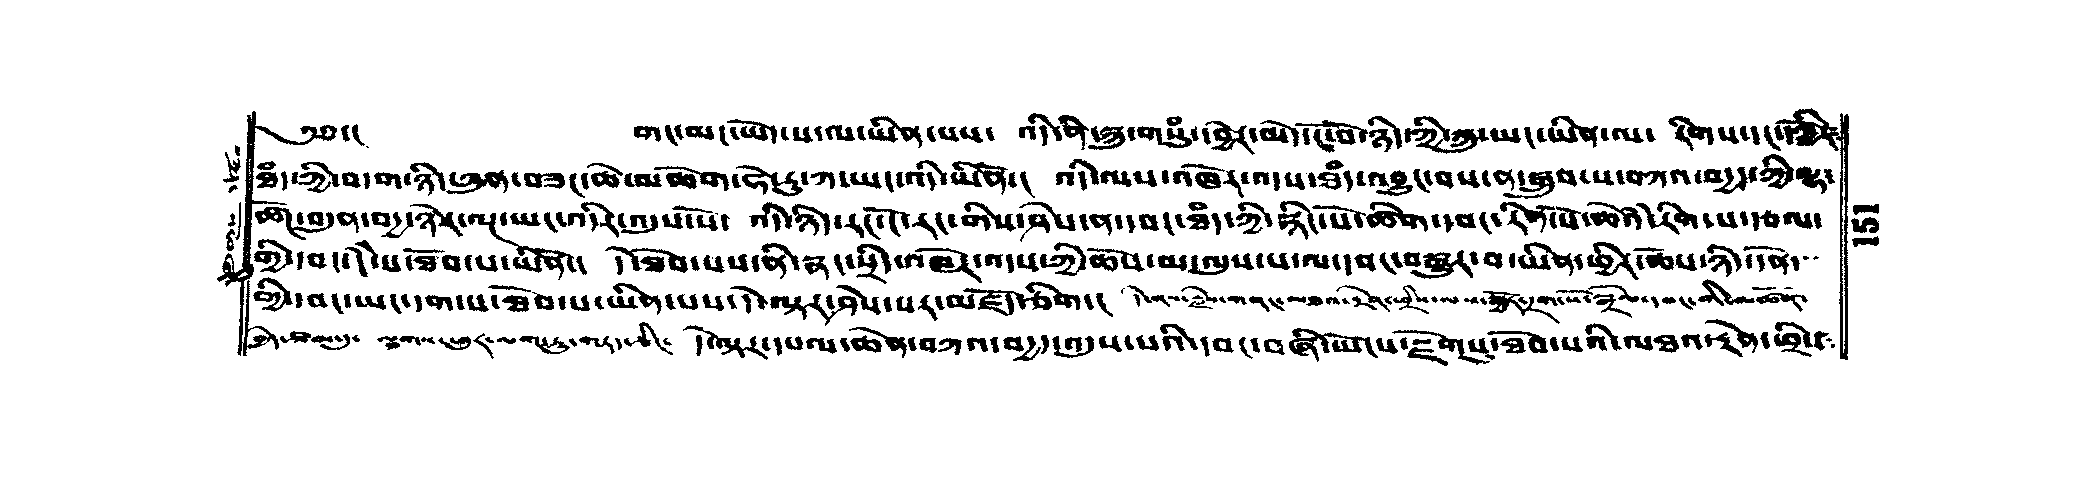གང་མང་ཡོད་པ་མ་ཡིན་པས། འདི་ནི་སྐུ་གསུམ་དབྱེར་མེད་ངོ་བོ་ཉིད་ཀྱི་སྐུ་ཡང་ཡིན་ལ། རིགས་དང་དཀྱིལ་འཁོར་
ཐམས་ཅད་ཀྱི་བདག་ཉིད་ཀུན་བཟང་ཆེ་མཆོག་ཧེ་རུ་ཀ་ཡང་འདི་ཡིན་ནོ། འདི་ལས་འཁོར་འདས་ཐམས་ཅད་འབྱུང་བས་ན་སྒྲུབ་པ་བཀའ་བརྒྱད་ཀྱི་ལྷ་
ཚོགས་བདུན་བརྒྱ་ཉེར་ལྔ་ཡང་འདིར་འདུས་སོ། འདི་ཉིད་རང་ངོ་རང་གིས་ཤེས་ན་དབང་ཐམས་ཅད་ཀྱི་སྙིང་པོ་ཚིག་དབང་རིག་པོ་ཆེའམ་རིག་པ་རྩལ་
གྱི་དབང་དམ་པ་ཐོབ་པ་ཡིན་ནོ། དེ་ཐོབ་པས་ནི་སྣང་སྲིད་འཁོར་འདས་ཀྱི་ཆོས་མ་ལུས་པ་ལ་དབང་བསྒྱུར་བ་ཡིན་ཕྱིར་ཆོས་ཉིད་དོན་
གྱི་དབང་ཡང་དག་པ་ཐོབ་པ་ཡིན་པས་དེ་ལྟར་ཤེས་པར་མཛོད་ཅིག དེ་ནས་རྗེས་གནང་མཐའ་རྟེན་ཕྲིན་ལས་ལས་སྦྱོར་དྲག་པོ་སྒྲོལ་དབང་གི་མཚོན་
བྱེད་ཙམ་དུ། ལྕགས་ཕུར་ལག་ཏུ་གཏད་ཅིང་། དེ་ལྟར་དཔལ་ཆེན་བཀའ་བརྒྱད་འདུས་པའི་དབང་བཞི་ཡོངས་རྫོགས་སུ་ཐོབ་པའི་མཐའ་རྟེན་ཕྲིན་ལས་